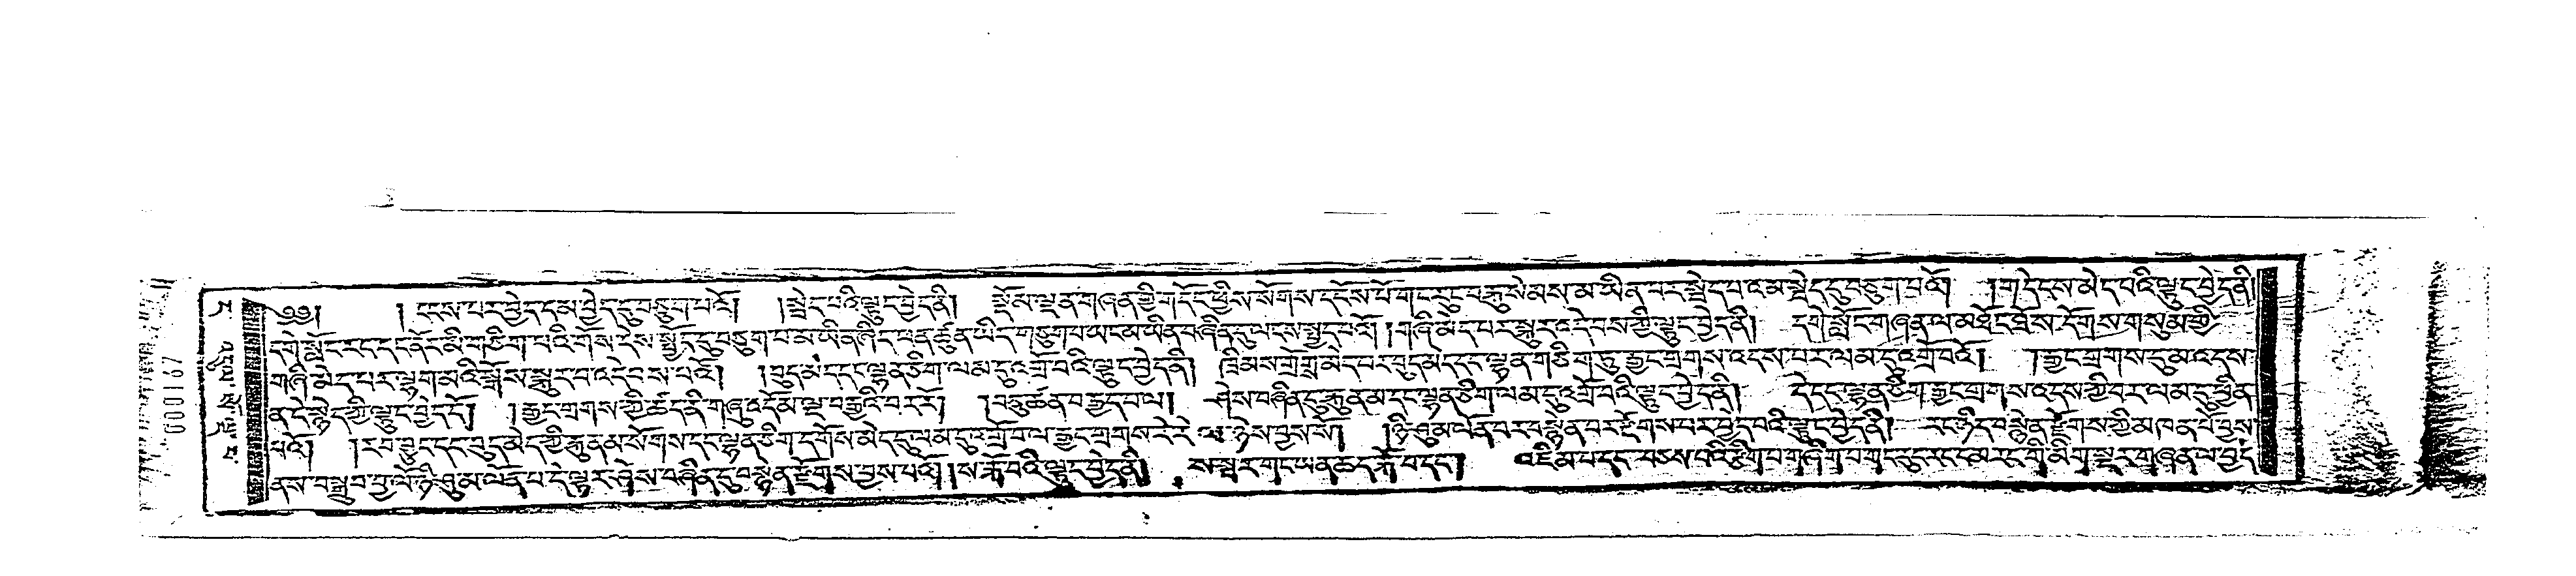༄༅། །ངངས་པར་བྱེད་དམ་བྱེད་དུ་བཅུག་པའོ། །སྦེད་པའི་ལྟུང་བྱེད་ནི། སྡོམ་ལྡན་གཞན་གྱི་གདོང་ཕྱིས་སོགས་དངོས་པོ་གང་རུང་བརྐུ་སེམས་མ་ཡིན་པར་སྦེད་པ་འམ་སྦེད་དུ་བཅུག་པའོ། །གདེངས་མེད་པའི་ལྟུང་བྱེད་ནི།
དགེ་སློང་རང་དང་ནོར་མི་གཅིག་པའི་གོས་དེས་སྤྱོད་དུ་བཅུག་པ་མ་ཡིན་ཞིང་ཕན་ཚུན་ཡིད་གཅུག་པ་ཡང་མ་ཡིན་བཞིན་དུ་ལོངས་སྤྱད་པའོ། །གཞི་མེད་པར་སྐུར་འདེབས་ཀྱི་ལྟུང་བྱེད་ནི། དགེ་སློང་གཞན་ལ་མཐོང་ཐོས་དོགས་གསུམ་གྱི་
གཞི་མེད་པར་ལྷག་མའི་སྒོས་སྐུར་བ་འདེབས་པའོ། །བུད་མེད་དང་ལྷན་ཅིག་ལམ་དུ་འགྲོ་བའི་ལྟུང་བྱེད་ནི། ཁྲིམས་གྲོགས་མེད་པར་བུད་མེད་དང་ལྷན་གཅིག་ཏུ་རྒྱང་གྲགས་འདས་པར་ལམ་དུ་འགྲོ་བའོ། །རྒྱང་གྲགས་དུ་མ་འདས་
ན་དེ་སྙེད་ཀྱི་ལྟུང་བྱེད་དོ། །རྒྱང་གྲགས་ཀྱི་ཚད་ནི་གཞུ་འདོམ་ལྔ་བརྒྱའི་བར་དོ། །བཅུ་ཚན་བརྒྱད་པ་ལ། ཤེས་བཞིན་དུ་རྐུན་མ་དང་ལྷན་ཅིག་ལམ་དུ་འགྲོ་བའི་ལྟུང་བྱེད་ནི། དེ་དང་ལྷན་ཅིག་རྒྱང་གྲགས་འདས་ཀྱི་བར་ལམ་དུ་ཕྱིན་
པའོ། །རབ་བྱུང་དང་བུད་མེད་ཀྱི་རྐུན་མ་སོགས་དང་ལྷན་ཅིག་དགོས་མེད་དུ་ལམ་དུ་འགྲོ་བ་ལ་རྒྱང་གྲགས་རེ་རེ་ལ་ཉེས་བྱས་སོ། །ཉི་ཤུ་མ་ལོན་པར་བསྙེན་པར་རྫོགས་པར་བྱེད་པའི་ལྟུང་བྱེད་ནི། རང་ཉིད་བསྙེན་རྫོགས་ཀྱི་མཁན་པོ་བྱས་
ནས་བསྒྲུབ་བྱ་ལོ་ཉི་ཤུ་མ་ལོན་པ་དེ་ལྟར་ཤེས་བཞིན་དུ་བསྙེན་རྫོགས་བྱས་པའོ། །ས་རྐོ་བའི་ལྟུང་བྱེད་ནི། ས་སྦར་གང་ཡན་ཆད་རྐོ་བ་དང་། འཇིམ་པ་དང་བཅས་པའི་རྩིག་པ་གཞིག་པ་གང་རུང་རང་ངམ་རང་གི་མིག་སྔར་གཞན་ལ་བྱེད་